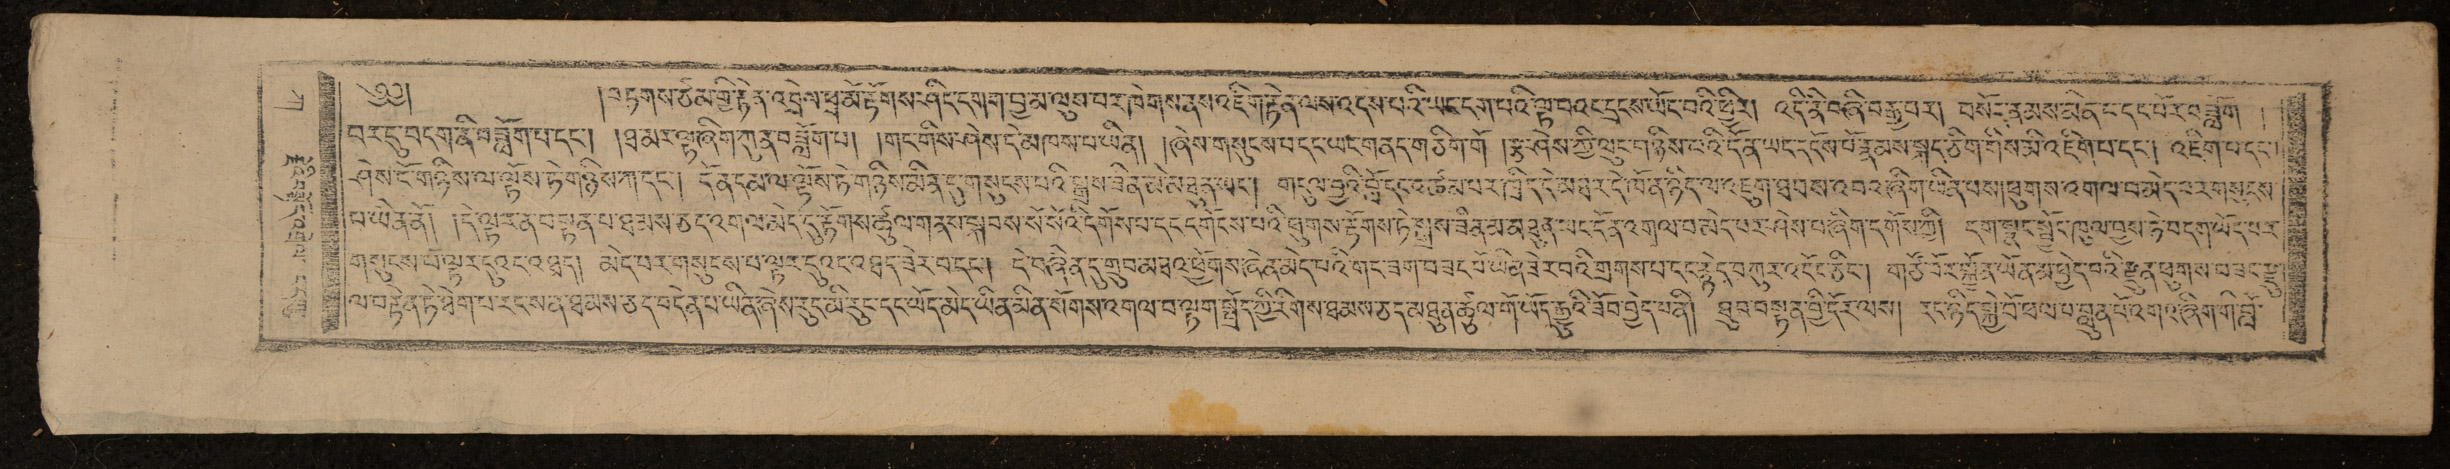༄༅། །བཏགས་ཙམ་གྱི་རྟེན་འབྲེལ་ཕྲ་མོ་རྟོགས་ཤིང་དགག་བྱ་མ་ལུས་པར་ཁེགས་ནས་འཇིག་རྟེན་ལས་འདས་པའི་ཡང་དག་པའི་ལྟ་བའང་དྲངས་ཡོད་པའི་ཕྱིར། འདི་ནི་བཞི་བརྒྱ་པར། བསོད་ནམས་མིན་པ་དང་བོར་བཟློག །
བར་དུ་བདག་ནི་བཟློག་པ་དང་། །ཐ་མར་ལྟ་ཞིག་ཀུན་བཟློག་པ། །གང་གིས་ཤེས་དེ་མཁས་པ་ཡིན། །ཞེས་གསུངས་པ་དང་ཡང་གནད་གཅིག་གོ །རྩ་ཤེས་ཀྱི་ཡུང་གཉིས་པའི་དོན་ཡང་དངོས་པོ་རྣམས་སྐད་ཅིག་གིས་མི་འཇིག་པ་དང་། འཇིག་པ་དང་
ཤེས་ངོ་གཉིས་ལ་ལྟོས་ཏེ་གཉིས་ཀ་དང་། དོན་དམ་ལ་ལྟོས་ཏེ་གཉིས་མིན་དུ་གསུངས་པའི་སྒྲས་ཟིན་མི་མཐུན་ཡང་། གདུལ་བྱའི་བློ་དང་འཚམ་བར་ཁྲིད་དེ་མཐར་དེ་ཁོ་ན་ཉིད་ལ་འཇུག་ཐབས་འབའ་ཞིག་ཡིན་པས། ཕུགས་འགལ་བ་མང་བར་གསུངས་
པ་ཡིན་ནོ། །དེ་ལྟར་ན་བསྟན་པ་ཐམས་ཅད་འགལ་མེད་དུ་རྟོགས་ཚུལ་གནས་སྐབས་སོ་སོའི་དགོས་པ་དང་དགོངས་པའི་ཕུགས་རྟོགས་ཏེ་སྒྲས་ཟིན་མ་མཐུན་ཡང་དོན་འགལ་བ་མེད་པར་ཤེས་པ་ཞིག་དགོས་ཀྱི། དག་སྣང་སྦྱོང་ཁུལ་བྱས་ཏེ་བདག་ཡོད་པར་
གསུངས་པ་ལྟར་དུའང་འཐད། མེད་པར་གསུངས་པ་ལྟར་དུ་འང་འཐད་ཟེར་བ་དང་། དེ་བཞིན་དུ་གྲུབ་མཐའ་ཕྱོགས་ཞེན་མེད་པའི་གང་ཟག་བཟང་པོ་ཡིན་ཟེར་བའི་གྲགས་པ་དང་རྙེད་བཀུར་འདོད་ཅིང་། གཙོ་བོར་སྐྱོན་ཡོན་མ་ཕྱེད་པའི་རྫུན་ཕུགས་བཟང་རྫུ་
ལ་བརྟེན་ཏེ་ཐེག་པ་རངས་ན་ཐམས་ཅད་བདེན་པ་ཡིན་ཞེས་རུང་མི་རུང་དང་ཡོད་མེད་ཡིན་མིན་སོགས་འགལ་བ་ལྟག་སྦྲོང་ཀྱི་རིགས་ཐམས་ཅད་མཐུན་ཚུལ་གོ་ཡོད་རྒྱུའི་ཟོབ་བྱེད་པ་ནི། ཐུབ་བསྟན་བྱི་དོར་ལས། རང་ཉིད་སྐྱེ་བོ་ཕལ་བ་བླུན་པོ་འགའ་ཞིག་གི་བློ་